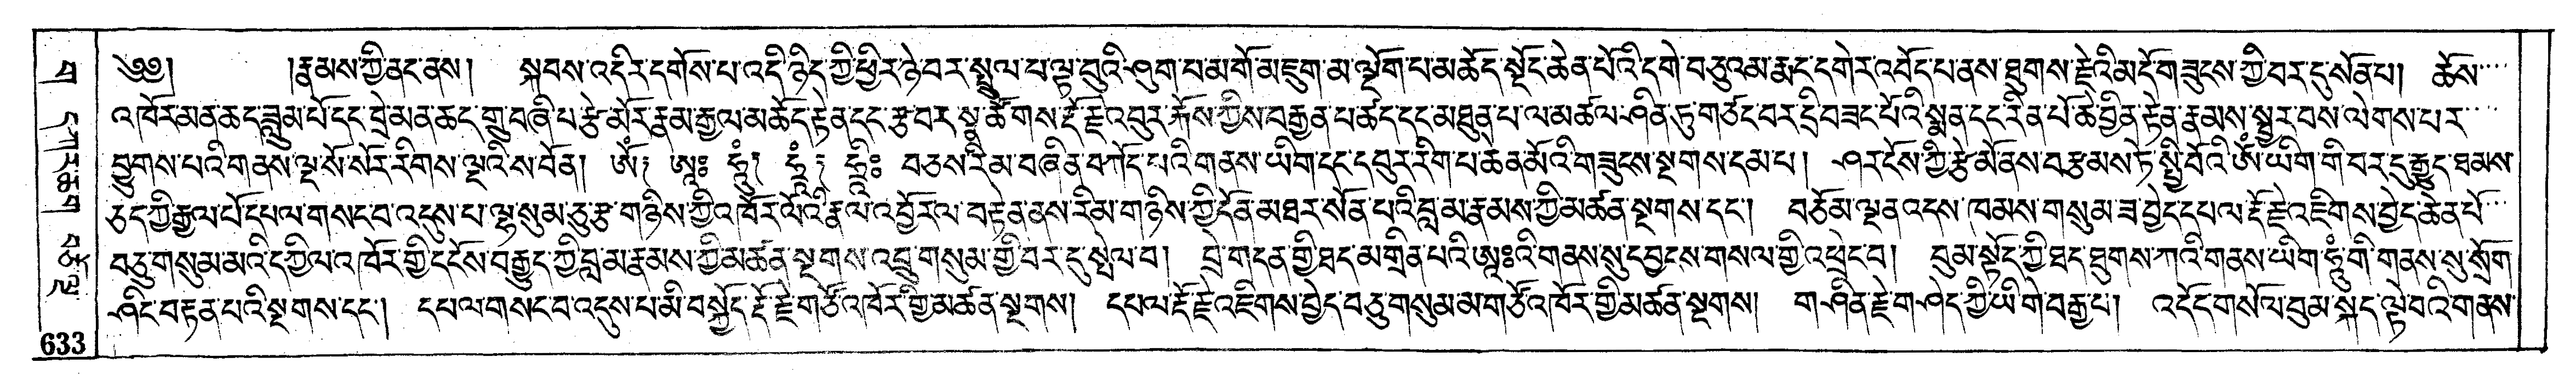༄༅། །རྣམས་ཀྱི་ནང་ནས། སྐབས་འདིར་དགོས་པ་འདི་ཉིད་ཀྱི་ཕྱིར་ཉེ་བར་སྤྲུལ་པ་ལྟ་བུའི་ཤུག་པ་མགོ་མཇུག་མ་ལྡོག་པ་མཆོད་སྡོང་ཆེན་པོའི་དགེ་བཅུའམ་རྨང་དགེར་འབོད་པ་ནས་ཐུགས་རྗེའི་མདོ་གཟུངས་ཀྱི་བར་དུ་སོན་པ། ཆོས་
འཁོར་མན་ཆད་ཟླུམ་པོ་དང་བྲེ་མན་ཆད་གྲུ་བཞི་པ་རྩེ་མོར་རྣམ་རྒྱལ་མཆོད་རྟེན་དང་རྩ་བར་སྣ་ཚོགས་རྡོ་རྗེ་འབུར་རྐོས་ཀྱིས་བརྒྱན་པ་ཚད་དང་མཐུན་པ་ལ་མཚལ་ཤིན་ཏུ་གཙང་བར་དྲི་བཟང་པོའི་སྨན་དང་རིན་པོ་ཆེ་བྱིན་རྟེན་རྣམས་སྦྱར་བས་ལེགས་པར་
བྱུགས་པའི་གནས་ལྔ་སོ་སོར་རིགས་ལྔའི་ས་བོན། ཨོཾ༑ ཨཱཿ ཧཱུཾ༑ ཏྲཱཾ༑ ཧྲཱིཿ བཅས་རིམ་བཞིན་བཀོད་པའི་གནས་ཡིག་དང་དབུར་རིག་པ་ཆེན་མོའི་གཟུངས་སྔགས་དམ་པ། ཤར་ངོས་ཀྱི་རྩེ་མོ་ནས་བརྩམས་ཏེ་སྤྱི་བོའི་ཨོཾ་ཡིག་གི་བར་དུ་རྒྱུད་ཐམས་
ཅད་ཀྱི་རྒྱལ་པོ་དཔལ་གསང་བ་འདུས་པ་ལྷ་སུམ་ཅུ་རྩ་གཉིས་ཀྱི་འཁོར་ལོའི་རྣལ་འབྱོར་ལ་བརྟེན་ནས་རིམ་གཉིས་ཀྱི་དོན་མཐར་སོན་པའི་བླ་མ་རྣམས་ཀྱི་མཚན་སྔགས་དང་། བཅོམ་ལྡན་འདས་ཁམས་གསུམ་ཟ་བྱེད་དཔལ་རྡོ་རྗེ་འཇིགས་བྱེད་ཆེན་པོ་
བཅུ་གསུམ་མའི་དཀྱིལ་འཁོར་གྱི་དངོས་བརྒྱུད་ཀྱི་བླ་མ་རྣམས་ཀྱི་མཚན་སྔགས་འབྲུ་གསུམ་གྱི་བར་དུ་སྤེལ་བ། ཕྲེ་གདན་གྱི་ཐད་མགྲིན་པའི་ཨཱཿ འི་གནས་སུ་དབྱངས་གསལ་གྱི་འཕྲེང་བ། བུམ་སྟོད་ཀྱི་ཐད་ཐུགས་ཀའི་གནས་ཡིག་ཧཱུཾ་གི་གནས་སུ་སྲོག་
ཤིང་བརྟན་པའི་སྔགས་དང་། དཔལ་གསང་བ་འདུས་པ་མི་བསྐྱོད་རྡོ་རྗེ་གཙོ་འཁོར་གྱི་མཚན་སྔགས། དཔལ་རྡོ་རྗེ་འཇིགས་བྱེད་བཅུ་གསུམ་མ་གཙོ་འཁོར་གྱི་མཚན་སྔགས། གཤིན་རྗེ་གཤེད་ཀྱི་ཡི་གེ་བརྒྱ་པ། འདོད་གསོལ་བུམ་སྐད་ལྟེ་བའི་གནས་